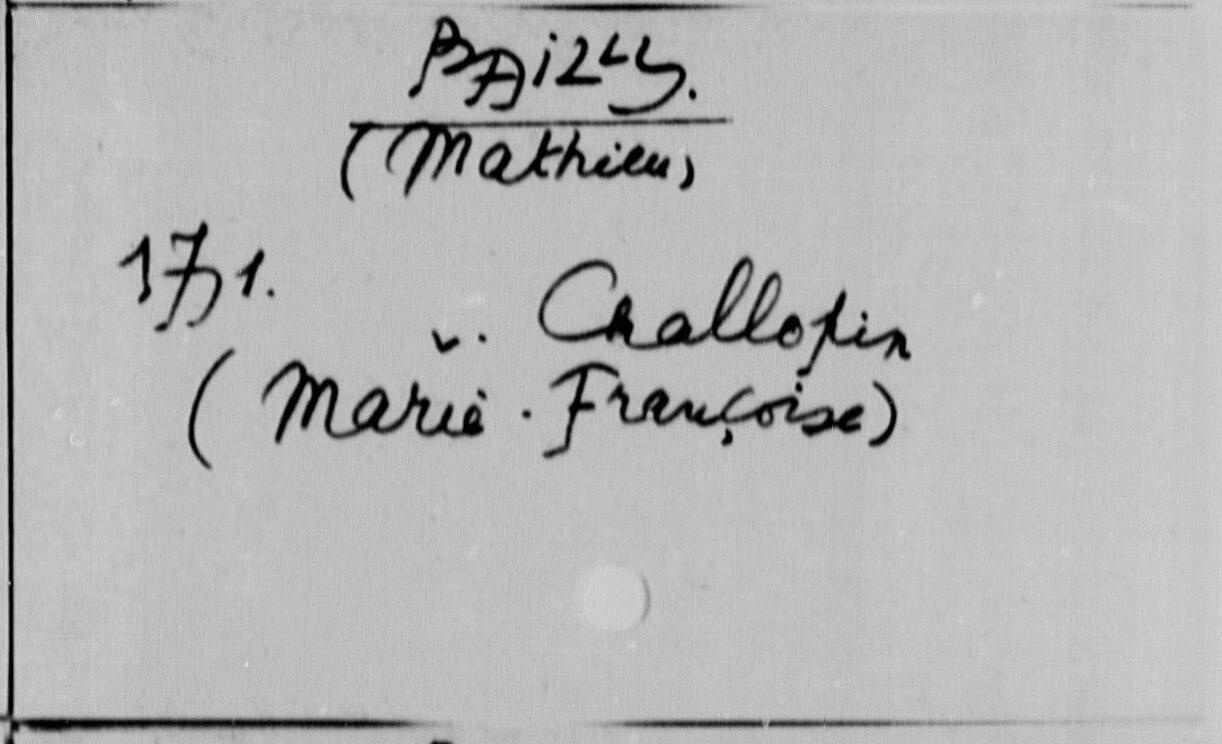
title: BAILLY (Mathieu)
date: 1701
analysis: Voir Challopin (Marie-Françoise)
